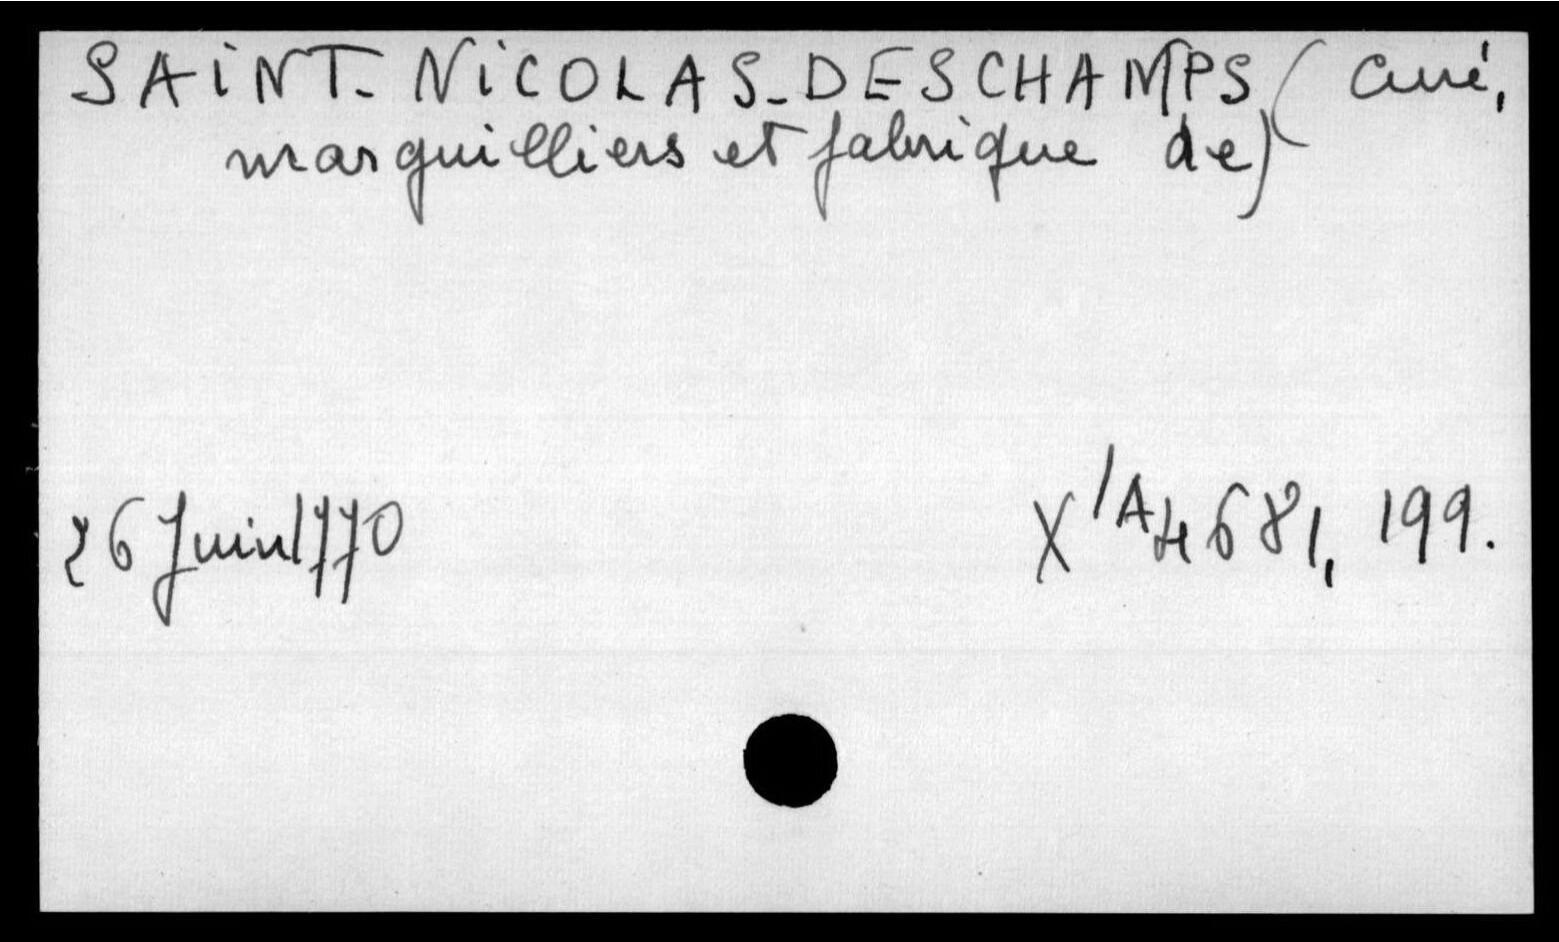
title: SAINT-NICOLAS DESCHAMPS (curé, marguilliers et fabrique de)
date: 26 juin 1770
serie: X1A
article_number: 4681
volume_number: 199
